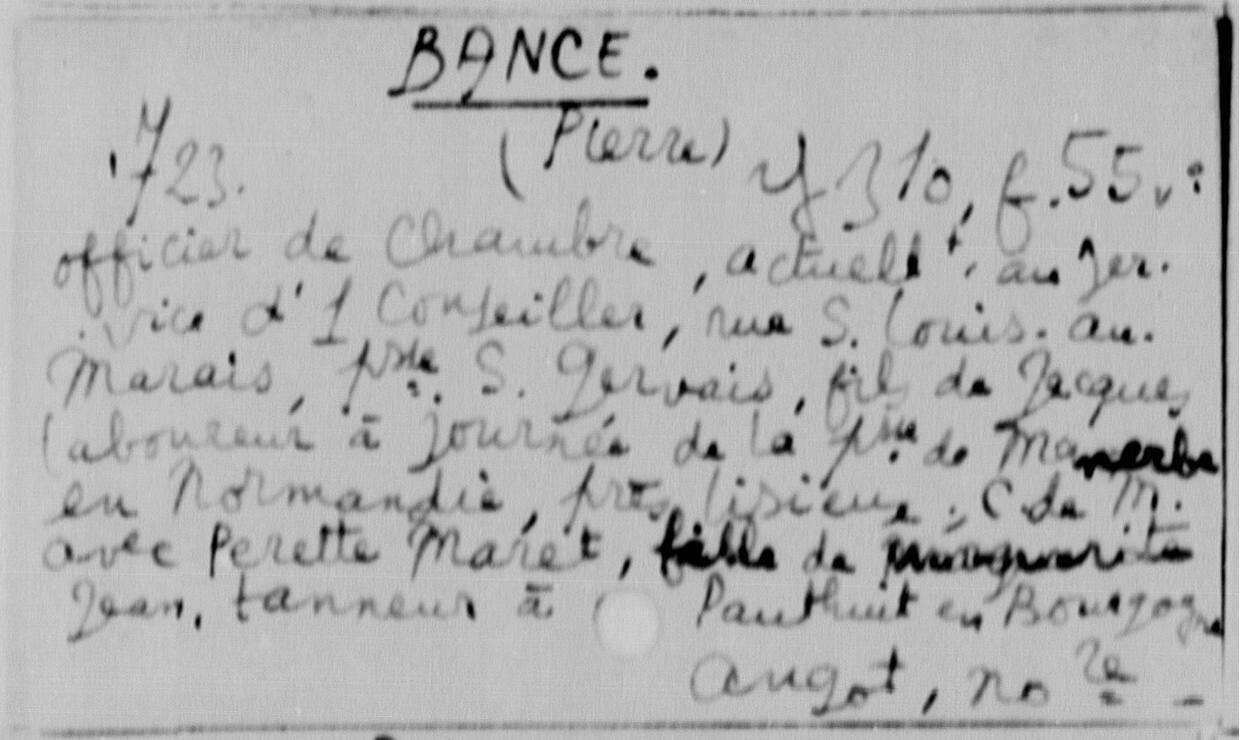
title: BANCE (Pierre)
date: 1723
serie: Y
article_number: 310
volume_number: folio 55 verso
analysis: officier de Chambre, actuellement au service d'un conseiller, rue Saint Louis-au-Marais, paroisse Saint-Gervais, fils de Jacques Laboureur à Journée de la paroisse de Manerbe, en Normandie, près Lisieux Contrat de mariage avec Perette Maret, fille de Marguerite Jean, tanneur à Pauthet en Bourgogne Angot, notaire
